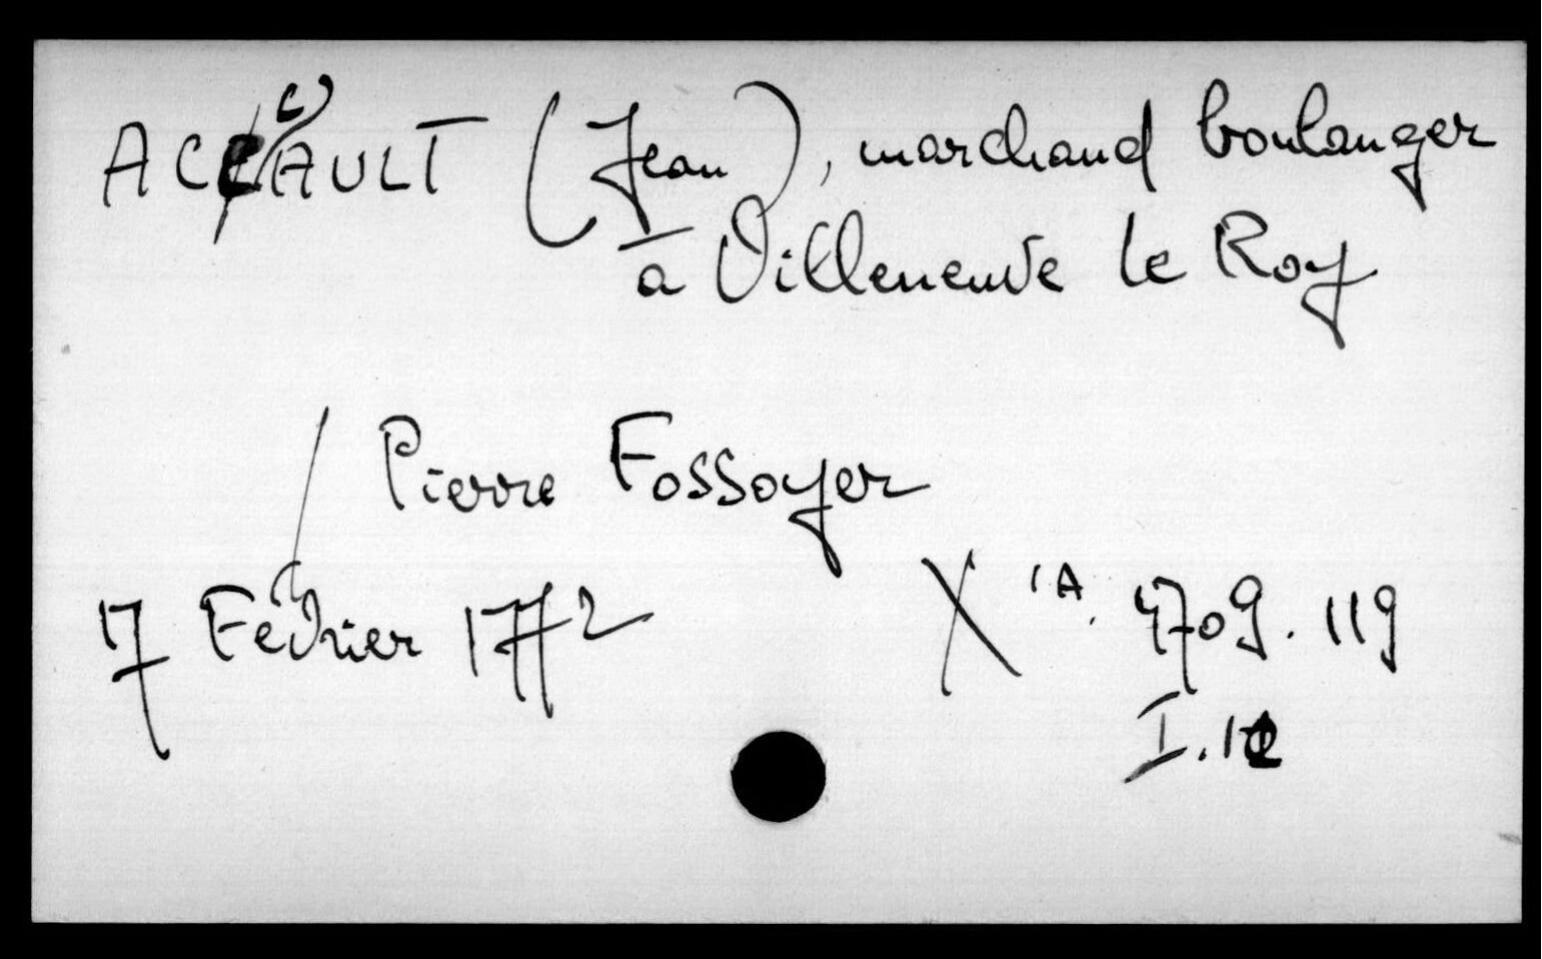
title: ACCAULT (Jean), marchand boulanger à Villeneuve Le Roy
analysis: Contre Pierre Fossoyer
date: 17 février 1772
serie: X1A
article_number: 4709
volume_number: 119 Instances 12
